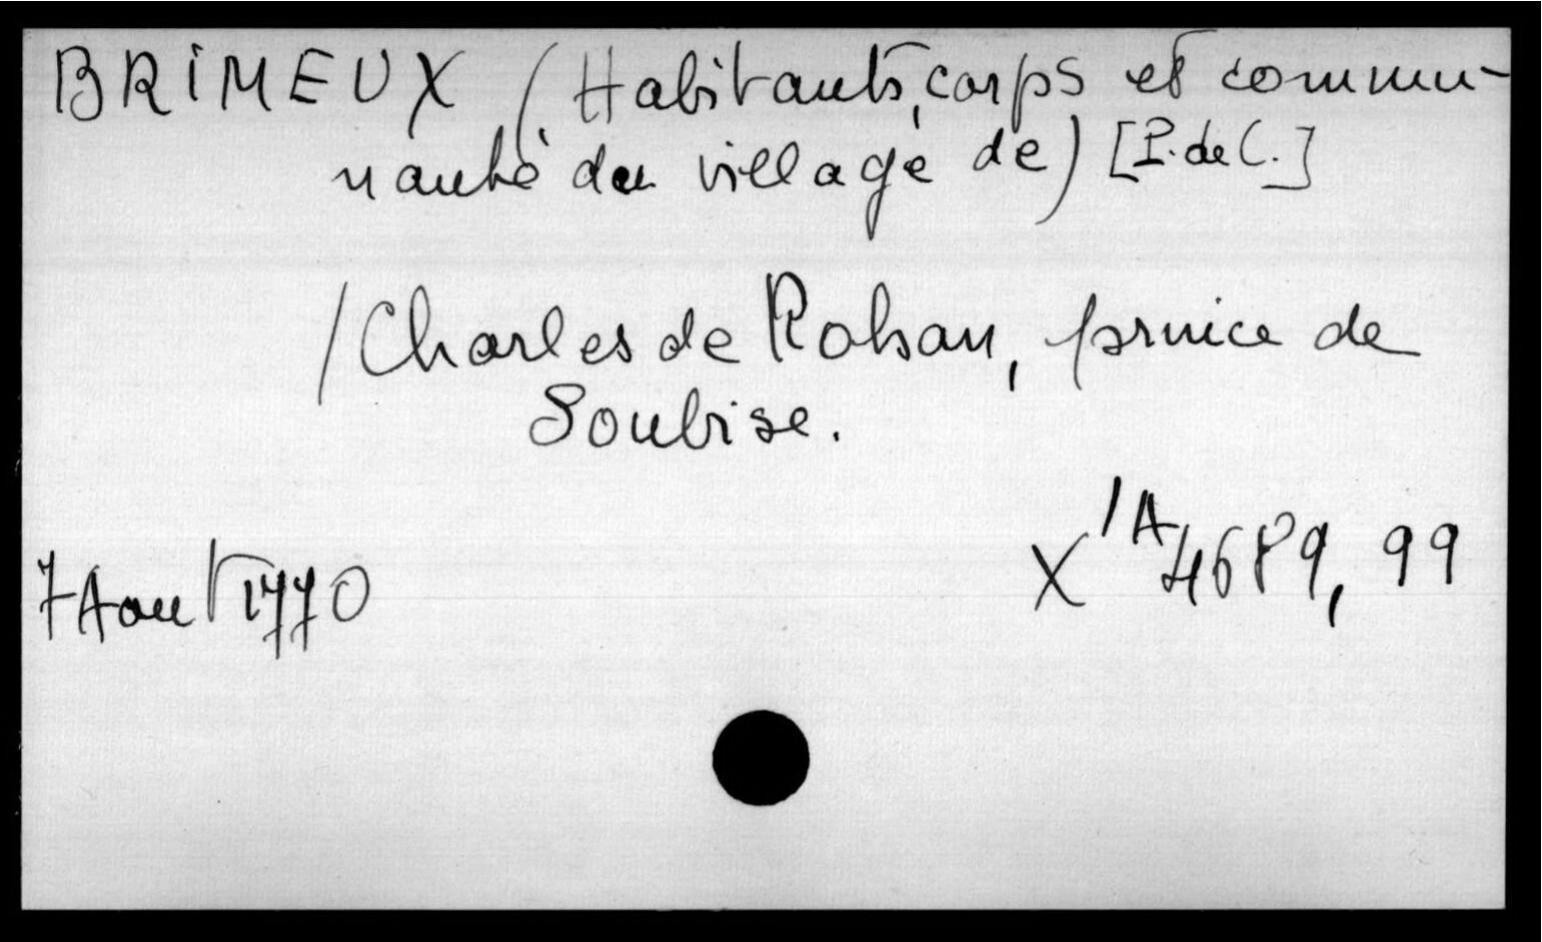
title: BRIMEUX (Habitants corps et communauté du village de) [eine-et-OisePas-de-Calais]
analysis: Contre Charles de Rohan, prince de Soubise
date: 7 août 1770
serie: X1A
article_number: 4689
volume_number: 99
